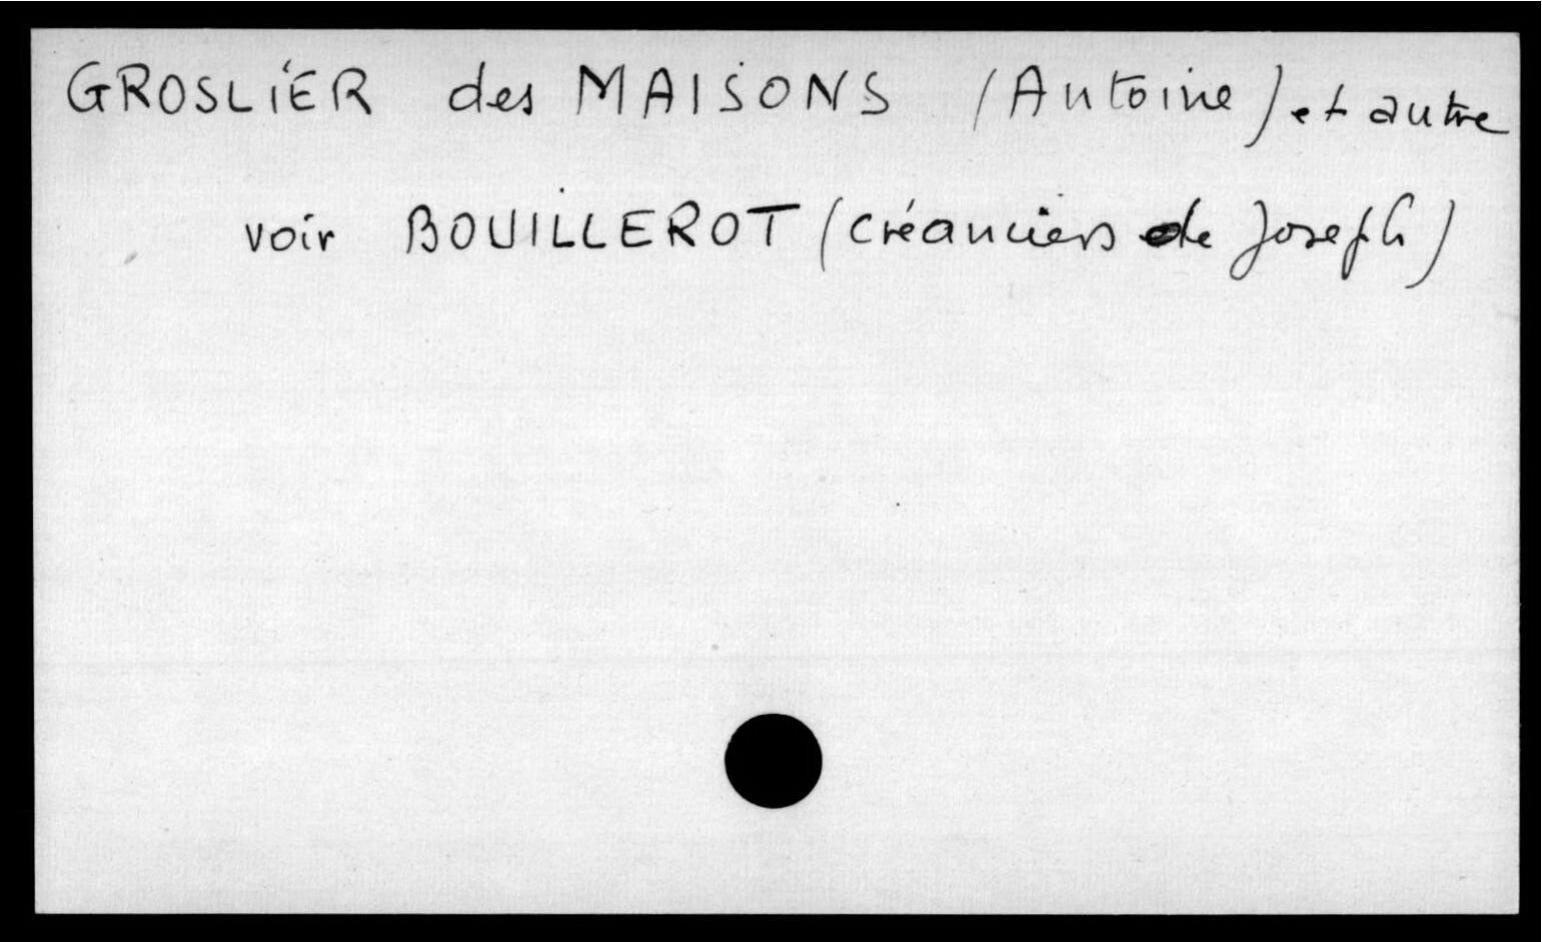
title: GROSLIER des MAISONS (Antoine) et autre
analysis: voir BOUILLEROT (créanciers de Joseph)
